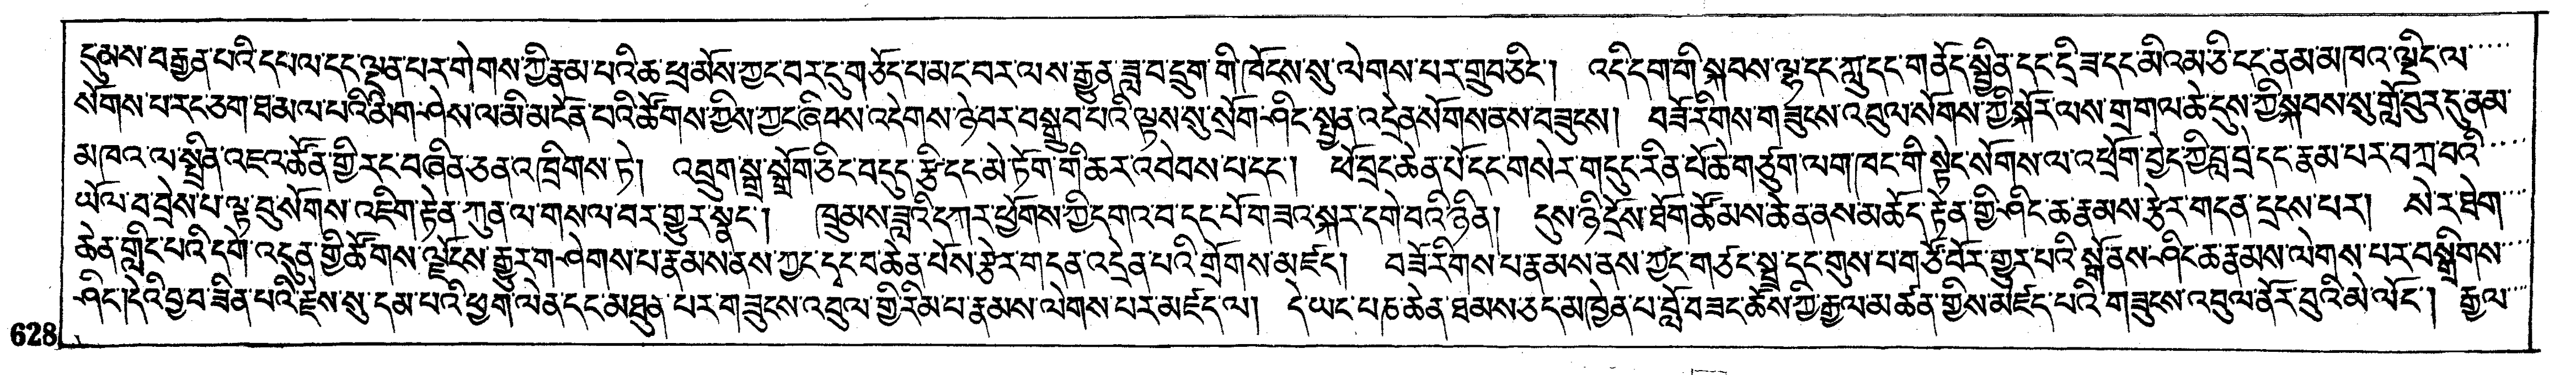དུ་མས་བརྒྱན་པའི་དཔལ་དང་ལྡན་པར་གེགས་ཀྱི་རྣམ་པའི་ཆ་ཕྲ་མོས་ཀྱང་བར་དུ་གཅོད་པ་མེད་པར་ལས་རྒྱུན་ཟླ་བ་དྲུག་གི་ཁོངས་སུ་ལེགས་པར་གྲུབ་ཅིང་། འདི་དག་གི་སྐབས་ལྷ་དང་ཀླུ་དང་གནོད་སྦྱིན་དང་དྲི་ཟ་དང་མིའམ་ཅི་དང་ནམ་མཁའ་ལྡིང་ལ་
སོགས་པ་རང་ཅག་ཐ་མལ་པའི་མིག་ཤེས་ལ་མི་མངོན་པའི་ཚོགས་ཀྱིས་ཀྱང་ཞབས་འདེགས་ཉེ་བར་བསྒྲུབ་པའི་ལྟས་སུ་སྲོག་ཤིང་སྤྱན་འདྲེན་སོགས་ནས་བཟུངས། བཟོ་རིགས་གཟུངས་འབུལ་སོགས་ཀྱི་སྐོར་ལས་གྲ་གལ་ཆེ་དུས་ཀྱི་སྐབས་སུ་གློ་བུར་དུ་ནམ་
མཁའ་ལ་སྤྲིན་འཇའ་ཚོན་གྱི་རང་བཞིན་ཅན་འཁྲིགས་ཏེ། འབྲུག་སྒྲ་སྒྲོག་ཅིང་བདུད་རྩི་དང་མེ་ཏོག་གི་ཆར་འབེབས་པ་དང་། ཕོ་བྲང་ཆེན་པོ་དང་གསེར་གདུང་རིན་པོ་ཆེ་གཙུག་ལག་ཁང་གི་སྟེང་སོགས་ལ་འཕྲོག་བྱེད་ཀྱི་བླ་བྲེ་དང་རྣམ་པར་བཀྲ་བའི་
ཡོལ་བ་བྲེས་པ་ལྟ་བུ་སོགས་འཇིག་རྟེན་ཀུན་ལ་གསལ་བར་གྱུར་སྣང་། ཁྲུམས་ཟླའི་དཀར་ཕྱོགས་ཀྱི་དགའ་བ་དང་པོ་གཟའ་སྐར་དགེ་བའི་ཉིན། དུས་ཉི་དྲོས་ཐོག་ཚོམས་ཆེན་ནས་མཆོད་རྟེན་གྱི་ཤིང་ཆ་རྣམས་རྩེར་གདན་དྲངས་པར། སེ་ར་ཐེག་
ཆེན་གླིང་པའི་དགེ་འདུན་གྱི་ཚོགས་ལྗོངས་རྒྱུར་གཤེགས་པ་རྣམས་ནས་ཀྱང་དྭང་བ་ཆེན་པོས་རྩེར་གདན་འདྲེན་པའི་གྲོགས་མཛད། བཟོ་རིགས་པ་རྣམས་ནས་ཀྱང་གཙང་སྦྲ་དང་གུས་པ་གཙོ་བོར་གྱུར་པའི་སྒོ་ནས་ཤིང་ཆ་རྣམས་ལེགས་པར་བསྒྲིགས་
ཤིང་།དེའི་བྱ་བ་ཟིན་པའི་རྗེས་སུ་དམ་པའི་ཕྱག་ལེན་དང་མཐུན་པར་གཟུངས་འབུལ་གྱི་རིམ་པ་རྣམས་ལེགས་པར་མཛད་ལ། དེ་ཡང་པཎ་ཆེན་ཐམས་ཅད་མཁྱེན་པ་བློ་བཟང་ཆོས་ཀྱི་རྒྱལ་མཚན་གྱིས་མཛད་པའི་གཟུངས་འབུལ་ནོར་བུའི་མེ་ལོང་། རྒྱལ་